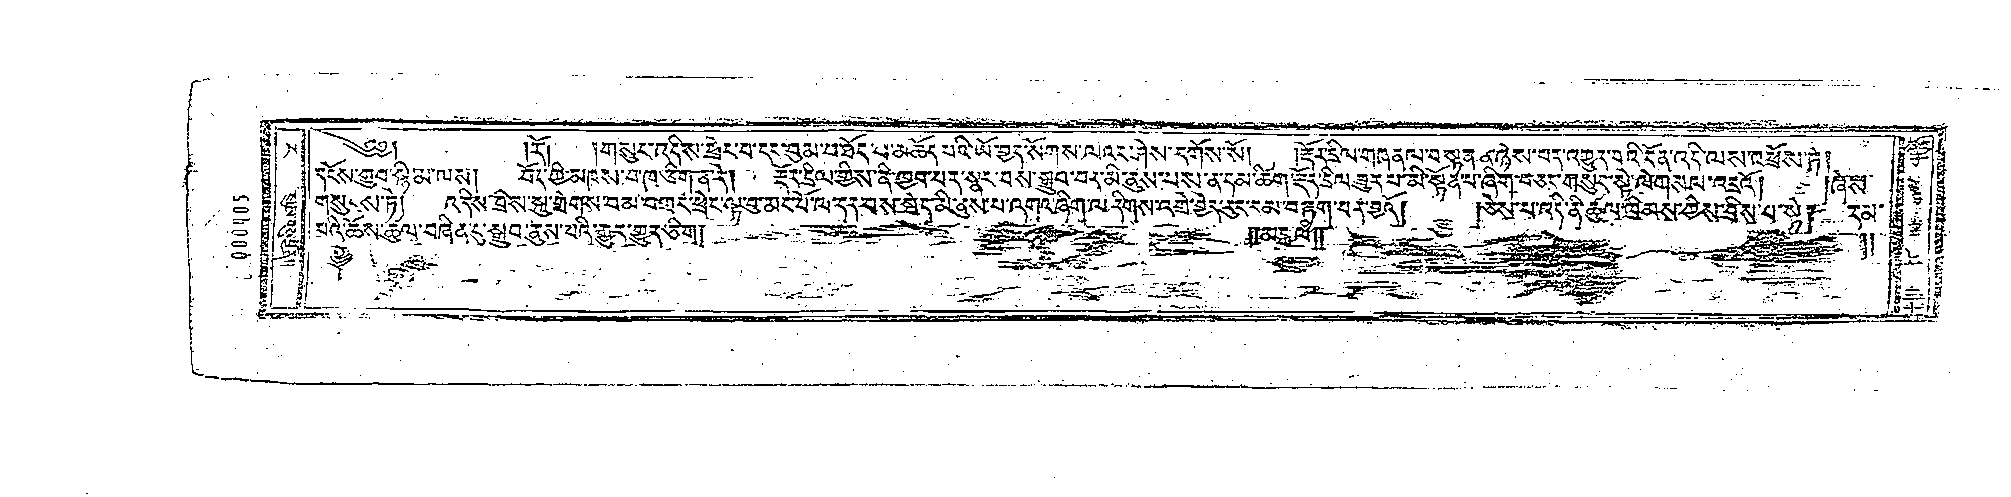༄༅། །རོ། །གསུང་འདིས་ཕྲེང་བ་དང་བུམ་པ་ཐོད་པ་མཆོད་པའི་ཡོ་བྱད་སོགས་ལའང་ཤེས་དགོས་སོ། །རྡོར་དྲིལ་གཞན་ལ་བསྟན་ན་ཉེས་བར་འགྱུར་བའི་དོན་འདི་ལས་འཕྲོས་ཏེ།
དངོས་གྲུབ་སྙིམ་ལས། བོད་ཀྱི་མཁས་པ་ཁ་ཅིག་ན་རེ། རྡོད་དྲིལ་གྱིས་ནི་ཁྱབ་པར་སྣང་བས་སྒྲུབ་བར་མི་ནུས་པས་ན་དམ་ཚིག་རྡོར་དྲིལ་ཟུར་པ་མི་སྟོན་པ་ཞིག་བཅད་གསུང་སྟེ་ལེགས་ལ་འདྲའོ། །ཞེས་
གསུངས་ཏེ། འདིས་བྲིས་སྐུ་གླེགས་བམ་བགྲང་ཕྲེང་ལྟ་བུ་མང་པོ་ལ་དར་བས་སྦེད་མི་ནུས་པ་འགའ་ཞིག་ལ་རིགས་འགྲེ་བྱེད་རུང་ངམ་བརྟག་པར་བྱའོ། །ཅེས་པ་འདི་ནི་ཚུལ་ཁྲིམས་ཀྱིས་བྲིས་པ་སྟེ། དམ་
བའི་ཆོས་ཚུལ་བཞིན་དུ་སྒྲུབ་ནུས་པའི་རྒྱུར་གྱུར་ཅིག། །།མངྒ་ལཾ།། །།